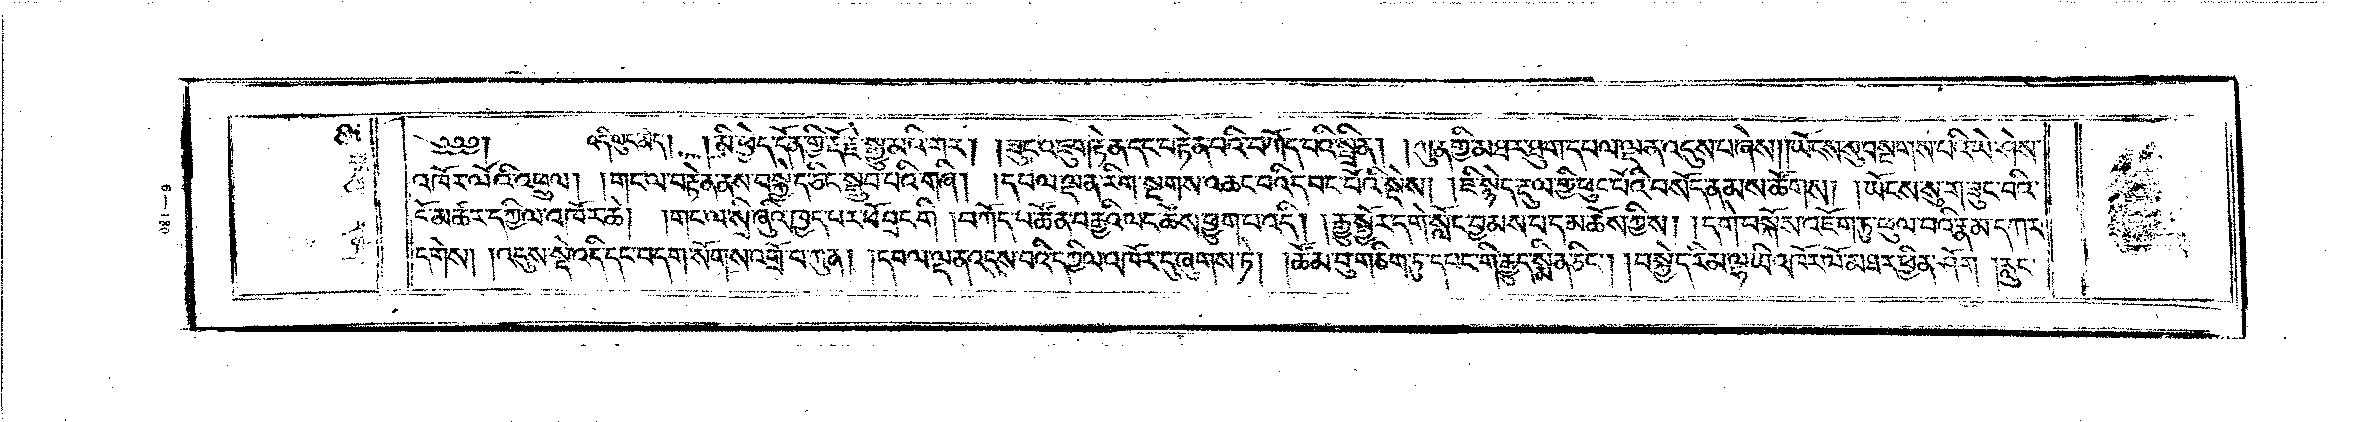༄༅༅། །འདི་ལུང་མེད།  མི་ཕྱེད་དོན་གྱི་རྡོ་རྗེ་སྒྱུ་མའི་གར། །ཟུང་འཇུག་རྟེན་དང་བརྟེན་པའི་བཀོད་པའི་སྤྲིན། །ཀུན་གྱི་མཐར་ཐུག་དཔལ་ལྡན་འདུས་པ་ཞེས། །ཡོངས་སུ་བསྔགས་པའི་ཡེ་ཤེས་
འཁོར་ལོའི་འཕྲུལ། །གང་ལ་བརྟེན་ནས་བསྐྱེད་ཅིང་སྒྲུབ་པའི་གཞི། །དཔལ་ལྡན་རིག་སྔགས་འཆང་བའི་དབང་པོའི་སྡེས། །ཇི་སྙེད་རྡུལ་གྱི་ཕུང་པོའི་བསོད་ནམས་ཚོགས། །ཡོངས་སུ་གཟུང་བའི་
ངོ་མཚར་དཀྱིལ་འཁོར་ཆེ། །གང་ལ་སྲི་ཞུའི་ཁྱད་པར་ཕོ་བྲང་གི །བཀོད་པ་ཚོན་བརྒྱའི་ལང་ཚོས་ཕྱུག་པ་འདི། །རྒྱུ་སྦྱོར་དགེ་སློང་བྱམས་པ་དམ་ཆོས་ཀྱིས། །དགེ་བསྐོས་འཇོག་ཏུ་ཕུལ་བའི་རྣམ་དཀར་
དགེས། །འདུས་སྡེ་འདི་དང་བདག་སོགས་འགྲོ་བ་ཀུན། །དཔལ་ལྡན་འདུས་པའི་དཀྱིལ་འཁོར་དུ་ཞུགས་ཏེ། །ཚོམ་བུ་གཅིག་ཏུ་དབང་གི་རྒྱུད་སྨིན་ཅིང་། །བསྐྱེད་རིམ་ལྷ་ཡི་འཁོར་ལོ་མཐར་ཕྱིན་ཤོག །རླུང་